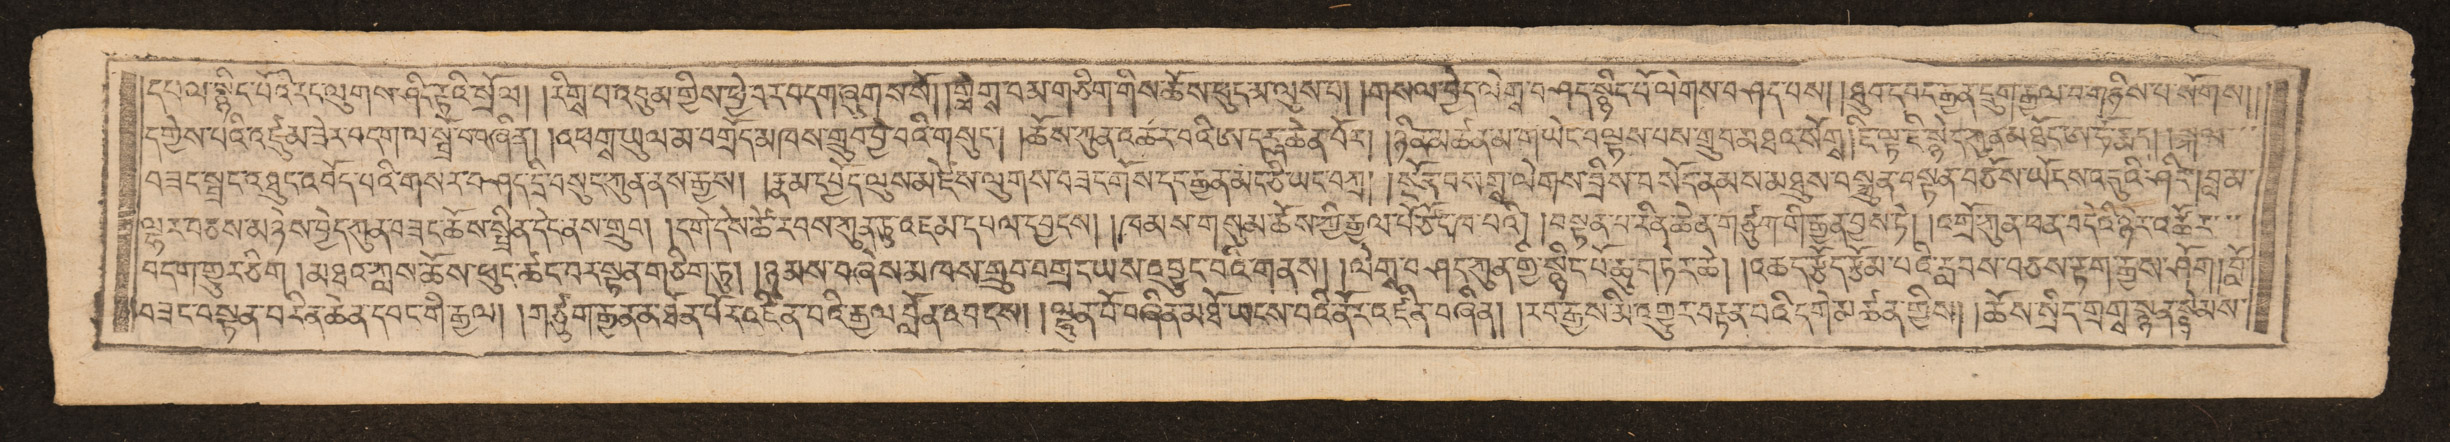དཔལ་སྙིང་པོའི་རང་ལུགས་ཤིང་རྟའི་སྲོལ། །རིགས་པ་འབུམ་གྱིས་ཕྱེ་བར་བདག་ཞུགས་སོ། །གླེགས་བམ་གཅིག་གིས་ཆོས་ཕུང་མ་ལུས་པ། །གསལ་བྱེད་ལེགས་བཤད་སྙིང་པོ་ལེགས་བཤད་བས། །ཐུབ་དབང་རྒྱན་དྲུག་རྒྱལ་བ་གཉིས་པ་སོགས། །
དགྱེས་པའི་འཛུམ་ཟེར་བདག་ལ་སྤྲོ་བ་བཞིན། །འཕགས་ཡུལ་མ་བགྲོད་མཁས་གྲུབ་བྱེ་བའི་གསུང་། །ཆོས་ཀུན་འཆང་བའི་ཨ་དརྴ་ཆེན་པོར། །ཉིན་མཚན་མ་གཡེང་བ་ལྟས་བས་གྲུབ་མཐའ་སོགས། །ཇི་ལྟ་ཇི་སྙེད་ཀུན་མཐོང་ཨ་ཧོ་རྨད། །སྐལ་
བཟང་སྦྲང་འཐུང་འབོད་པའི་གསར་བཤད་དྲི་བསུང་ཀུན་ནས་རྒྱས། །རྣམ་དཔྱོད་ལུས་མཛེས་ལུགས་བཟང་གོས་དང་རྒྱན་མང་ཅི་ཡང་བཀྲ། །སྔོན་བསགས་ལེགས་བྲིས་བསོད་ནམས་མཐུས་བསྐྲུན་བསྟན་བཅོས་ཡོངས་འདུའི་ཤིང་། བླ་མ་
ལྷར་བཅས་མཉས་བྱེད་ཀུན་བཟང་ཆོས་སྤྲིན་དེང་ནས་གྲུབ། །དགེ་དེས་ཚེ་རབས་ཀུན་ཏུ་འཇམ་དཔལ་དབྱངས། །ཁམས་གསུམ་ཆོས་ཀྱི་རྒྱལ་པོ་ཙོང་ཁ་པའི། །བསྟན་པ་རིན་ཆེན་གཙུག་གི་རྒྱན་བྱས་ཏེ། །འགྲོ་ཀུན་ཕན་བདེའི་ཉེར་འཚོར་
བདག་གྱུར་ཅིག །མཐའ་ཀླས་ཆོས་ཕུང་ཚང་བར་བསྟན་གཅིག་ཏུ། །ཉམས་བཞེས་མཁས་གྲུབ་བགྲང་ཡས་འབྱུང་བའི་གནས། །ལེགས་བཤད་ཀུན་གྱི་སྙིང་པོ་ཆུ་གཏེར་ཆེ། །འཆད་རྩོད་རྩོམ་པའི་རླབས་བཅས་རྟག་རྒྱས་ཤོག །བློ་
བཟང་བསྟན་པ་རིན་ཆེན་དབང་གི་རྒྱལ། །གཙུག་རྒྱན་མཐོན་པོར་འཛིན་པའི་རྒྱལ་བློན་འབངས། །ལྷུན་པོ་བཞིན་མཐོ་ཡངས་པའི་ནོར་འཛིན་བཞིན། །རབ་རྒྱས་མི་འགྱུར་བརྟན་པའི་དགེ་མཚན་གྱིས། །ཆོས་སྲིད་གྲགས་སྙན་སྙེམས་